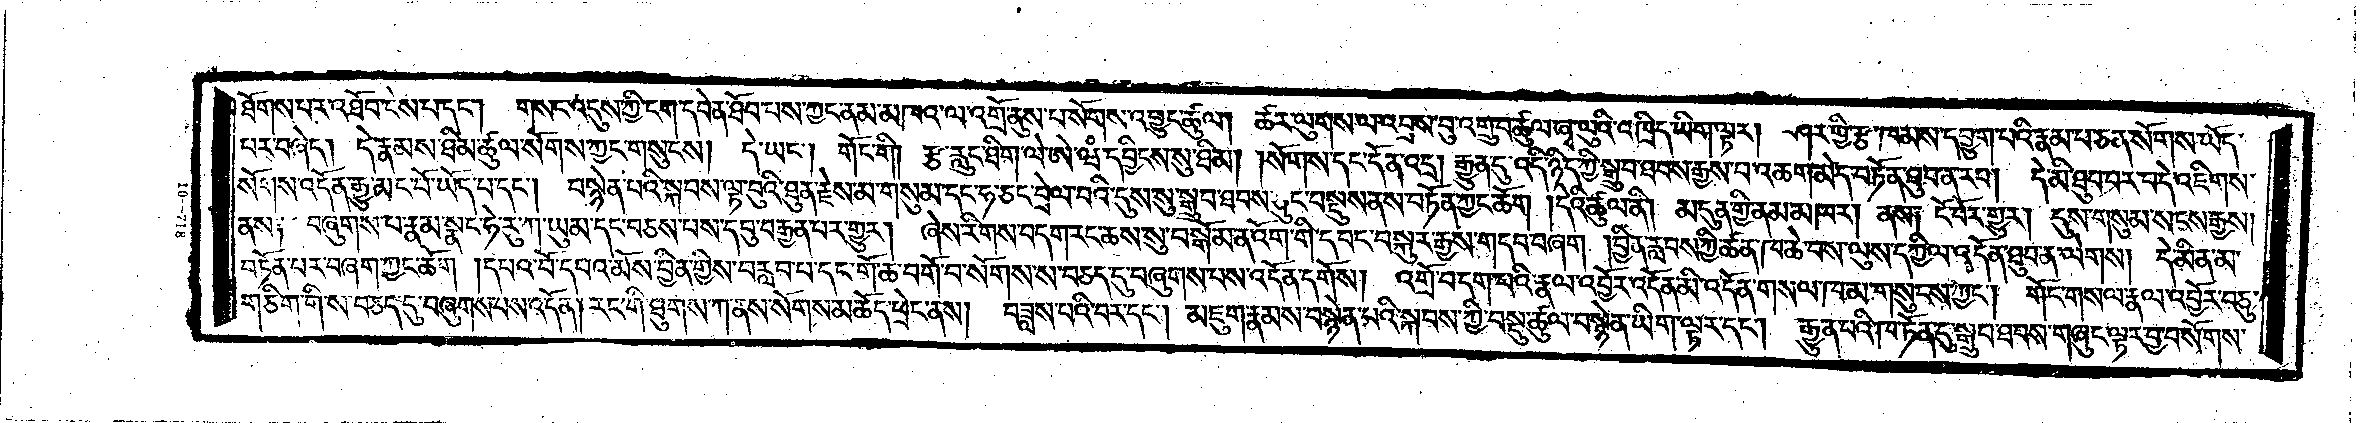ཐོགས་པར་འཐོབ་ངེས་པ་དང་། གསང་འདུས་ཀྱི་ངག་དབེན་ཐོབ་པས་ཀྱང་ནམ་མཁའ་ལ་འགྲོ་ནུས་པ་སོགས་འབྱུང་ཚུལ། ཚར་ལུགས་ལ་འབྲས་བུ་འགྲུབ་ཚུལ་ཞྭ་ལུའི་འཁྲིད་ཡིག་ལྟར། ཤར་གྱི་རྩ་ཁམས་དབྱུག་པའི་རྣམ་པ་ཅན་སོགས་ཡོད་
པར་བཞེད། དེ་རྣམས་ཐིམ་ཚུལ་སོགས་ཀྱང་གསུངས། དེ་ཡང་། གོང་གི། རྩ་རླུང་ཐིག་ལེ་ཨེ་ཝཾ་དབྱིངས་སུ་ཐིམ། །སོགས་དང་དོན་འདྲ། རྒྱུན་དུ་འདི་ཉིད་ཀྱི་སྒྲུབ་ཐབས་རྒྱས་པ་འཆག་མེད་བཏོན་ཐུབ་ན་རབ། དེ་མི་ཐུབ་པར་བདེ་འཇིགས་
སོགས་འདོན་རྒྱུ་མང་པོ་ཡོད་པ་དང་། བསྙེན་པའི་སྐབས་ལྟ་བུའི་ཐུན་རྗེས་མ་གསུམ་དང་ཧ་ཅང་བྲེལ་བའི་དུས་སུ་སྒྲུབ་ཐབས་ཅུང་བསྡུས་ནས་བཏོན་ཀྱང་ཆོག །དེའི་ཚུལ་ནི། མདུན་གྱི་ནམ་མཁར། ནས༑ ངོ་བོར་གྱུར། དུས་གསུམ་སངས་རྒྱས།
ནས༑ བཞུགས་པ་རྣམ་སྣང་ཧེ་རུ་ཀ་ཡུམ་དང་བཅས་པས་དབུ་བརྒྱན་པར་གྱུར། ཞེས་རིགས་བདག་རང་ཆས་སུ་བསྒོམ་ན་འོག་གི་དབང་བསྐུར་རྒྱས་གདབ་བཞག །བྱིན་རླབས་ཀྱི་ཚན་ཁ་ཆེ་བས་ལུས་དཀྱིལ་འདོན་ཐུབ་ན་ལེགས། དེ་མིན་མ་
བཏོན་པར་བཞག་ཀྱང་ཆོག །དཔའ་བོ་དཔའ་མོས་བྱིན་གྱིས་བརླབ་པ་དང་གོ་ཆ་བགོ་བ་སོགས་ས་བཅད་དུ་བཞུགས་པས་འདོན་དགོས། འགྲོ་བ་དག་པའི་རྣལ་འབྱོར་འདོན་མི་འདོན་གསལ་ཁམ་གསུངས་ཀྱང་། གོང་གསལ་རྣལ་འབྱོར་བཅུ་
གཅིག་གིས་བཅད་དུ་བཞུགས་པས་འདོན། རང་གི་ཐུགས་ཀ་ནས་སོགས་མཆོད་ཕྲེང་ནས། བཟླས་པའི་བར་དང་། མཇུག་རྣམས་བསྙེན་པའི་སྐབས་ཀྱི་བསྡུ་ཚུལ་བསྙེན་ཡིག་ལྟར་དང་། རྒྱུན་བའི་ཁ་ཏོན་དུ་སྒྲུབ་ཐབས་གཞུང་ལྟར་བྱ་བ་སོགས་